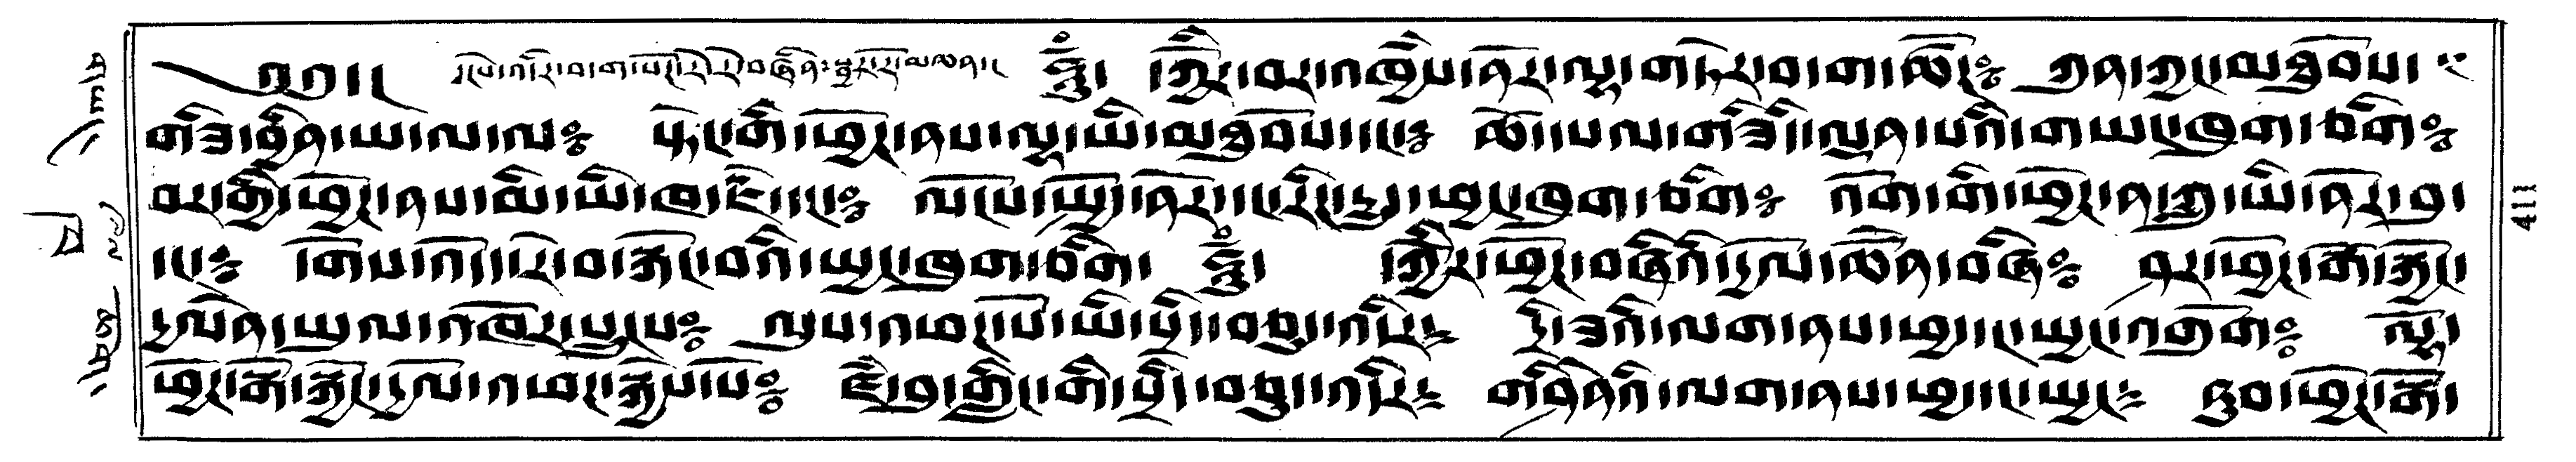དེང་འདིར་བདག་སོགས་རེ་རེ་བཞིན་སྦྱར་རོ།། ཧཱུྃ༔ དཀྱིལ་འཁོར་བར་ཁྱམས་ནོར་ལྷ་གཏེར་བདག་ཚོགས༔ ཀུན་ཀྱང་མཐུ་སྟོབས་
གཟི་བྱིན་ཡ་ལ་ལ༔ སྟེང་གི་ཕྱོགས་ནས་ལྷ་ཡི་མཐུ་སྟོབས་དང༔ ཚེ་དཔལ་གཟི་བརྗིད་ལྡན་པའི་གཡང་ཁུག་ཅིག༔ 
བར་གྱི་ཕྱོགས་ནས་མི་ཡི་ཁ་རྗེ་དང༔ ལོངས་སྤྱོད་ནོར་དང་རིགས་རྒྱུད་གཡང་ཁུག་ཅིག༔ འོག་གི་ཕྱོགས་ན་ཀླུ་ཡི་ནོར་བུ་
དང༔ དགོས་འདོད་རེ་བ་སྐོང་བའི་གཡང་ཁུག་ཅིག ཧཱུྃ༔ དཀྱིལ་འཁོར་ཕྱོགས་བཞིའི་རྒྱལ་པོ་ཆེན་པོ་བཞི༔ ཤར་ཕྱོགས་སྒོ་སྐྱོང་
རྒྱལ་ཆེན་ཡུལ་འཁོར་སྲུང༔ ལུས་འཕགས་པོ་ཡི་སྲིད་བཅུད་འདིར༴ དྲི་ཟའི་ལག་ནས་ཕྱ་དང་གཡང་འགུག་གོ༔ ལྷོ་
ཕྱོགས་སྒོ་སྐྱོང་རྒྱལ་པོ་འཕགས་སྐྱེས་པོ༔ འཛམ་བུ་གླིང་གི་སྲིད་བཅུད་འདིར༴ གཤིན་རྗེའི་ལག་ནས་ཕྱ་དང་གཡང༔ ནུབ་ཕྱོགས་སྒོ་